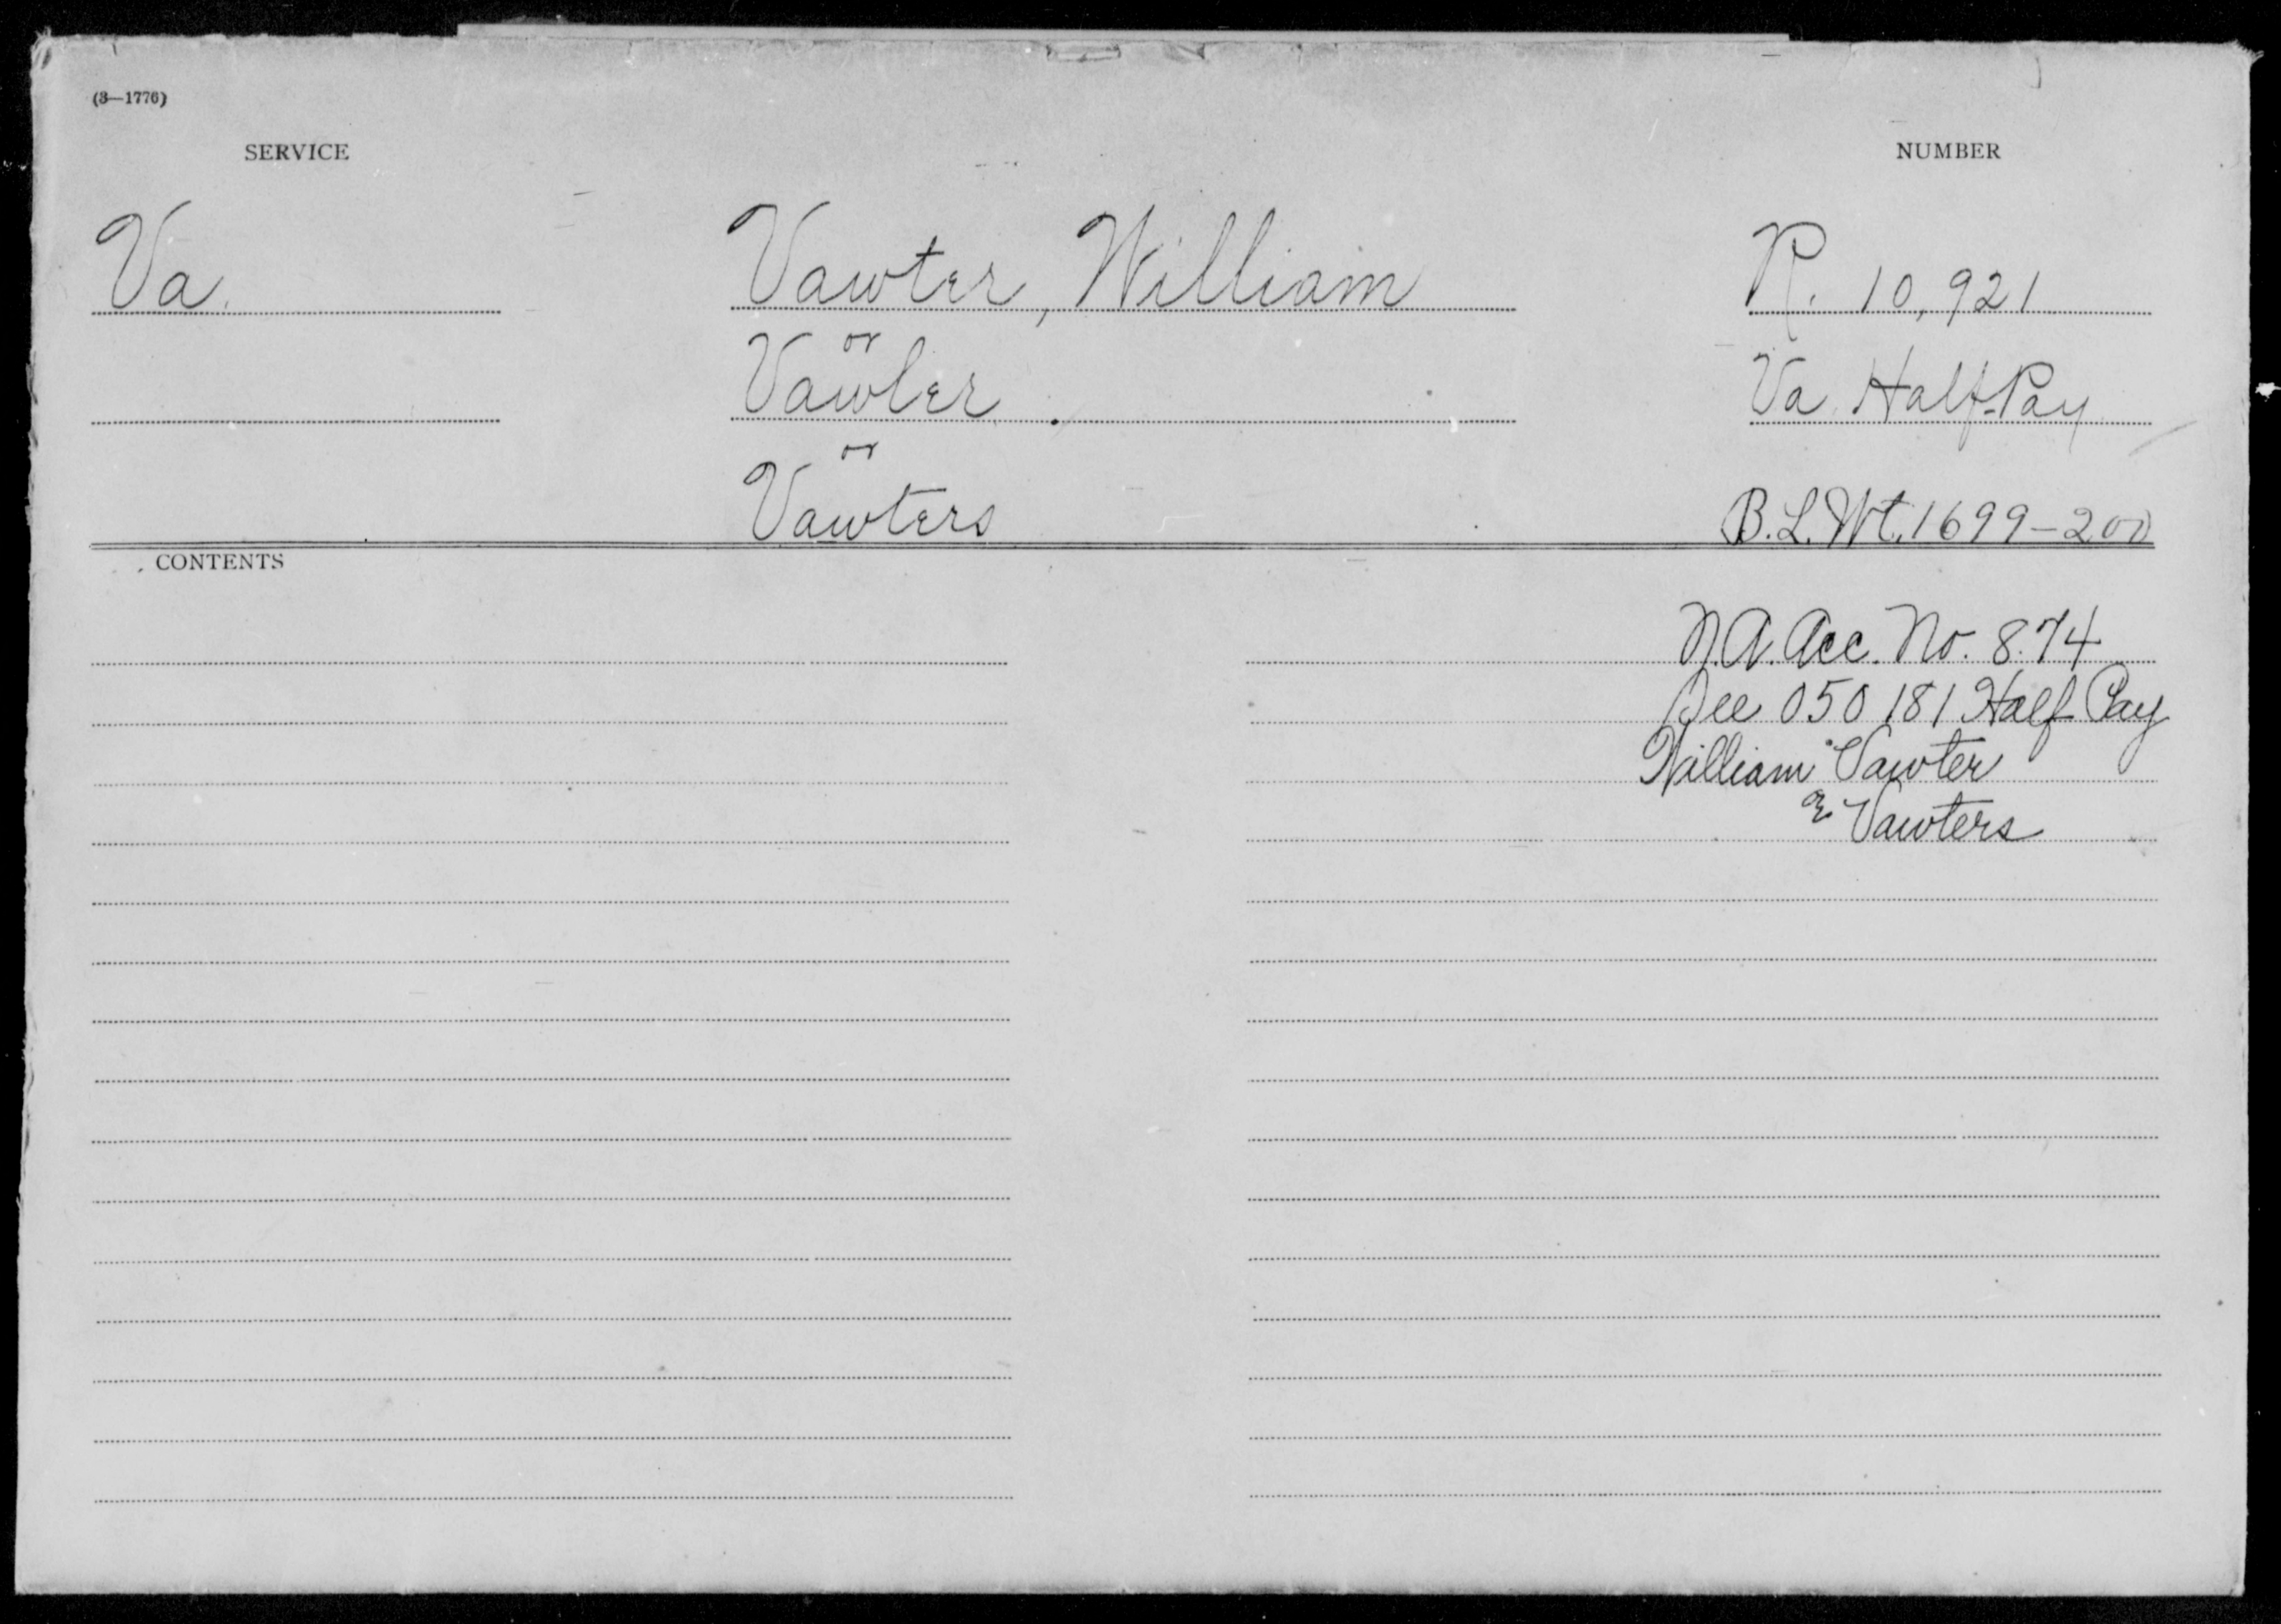(3 - 1776 )
SERVICE  NUMBER
Va.
Vawter William
or Vawler or Vawters


R. 10,921
Va. Half Pay
B.L. Wt 1699 -20

N. A. Acc No. 874
See 150 181 Half Pay
William Vawter
or Vawters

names: William Vawler, William Vawters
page: 1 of 51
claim: rejected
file: R. 10,921, William Vawter, Va.